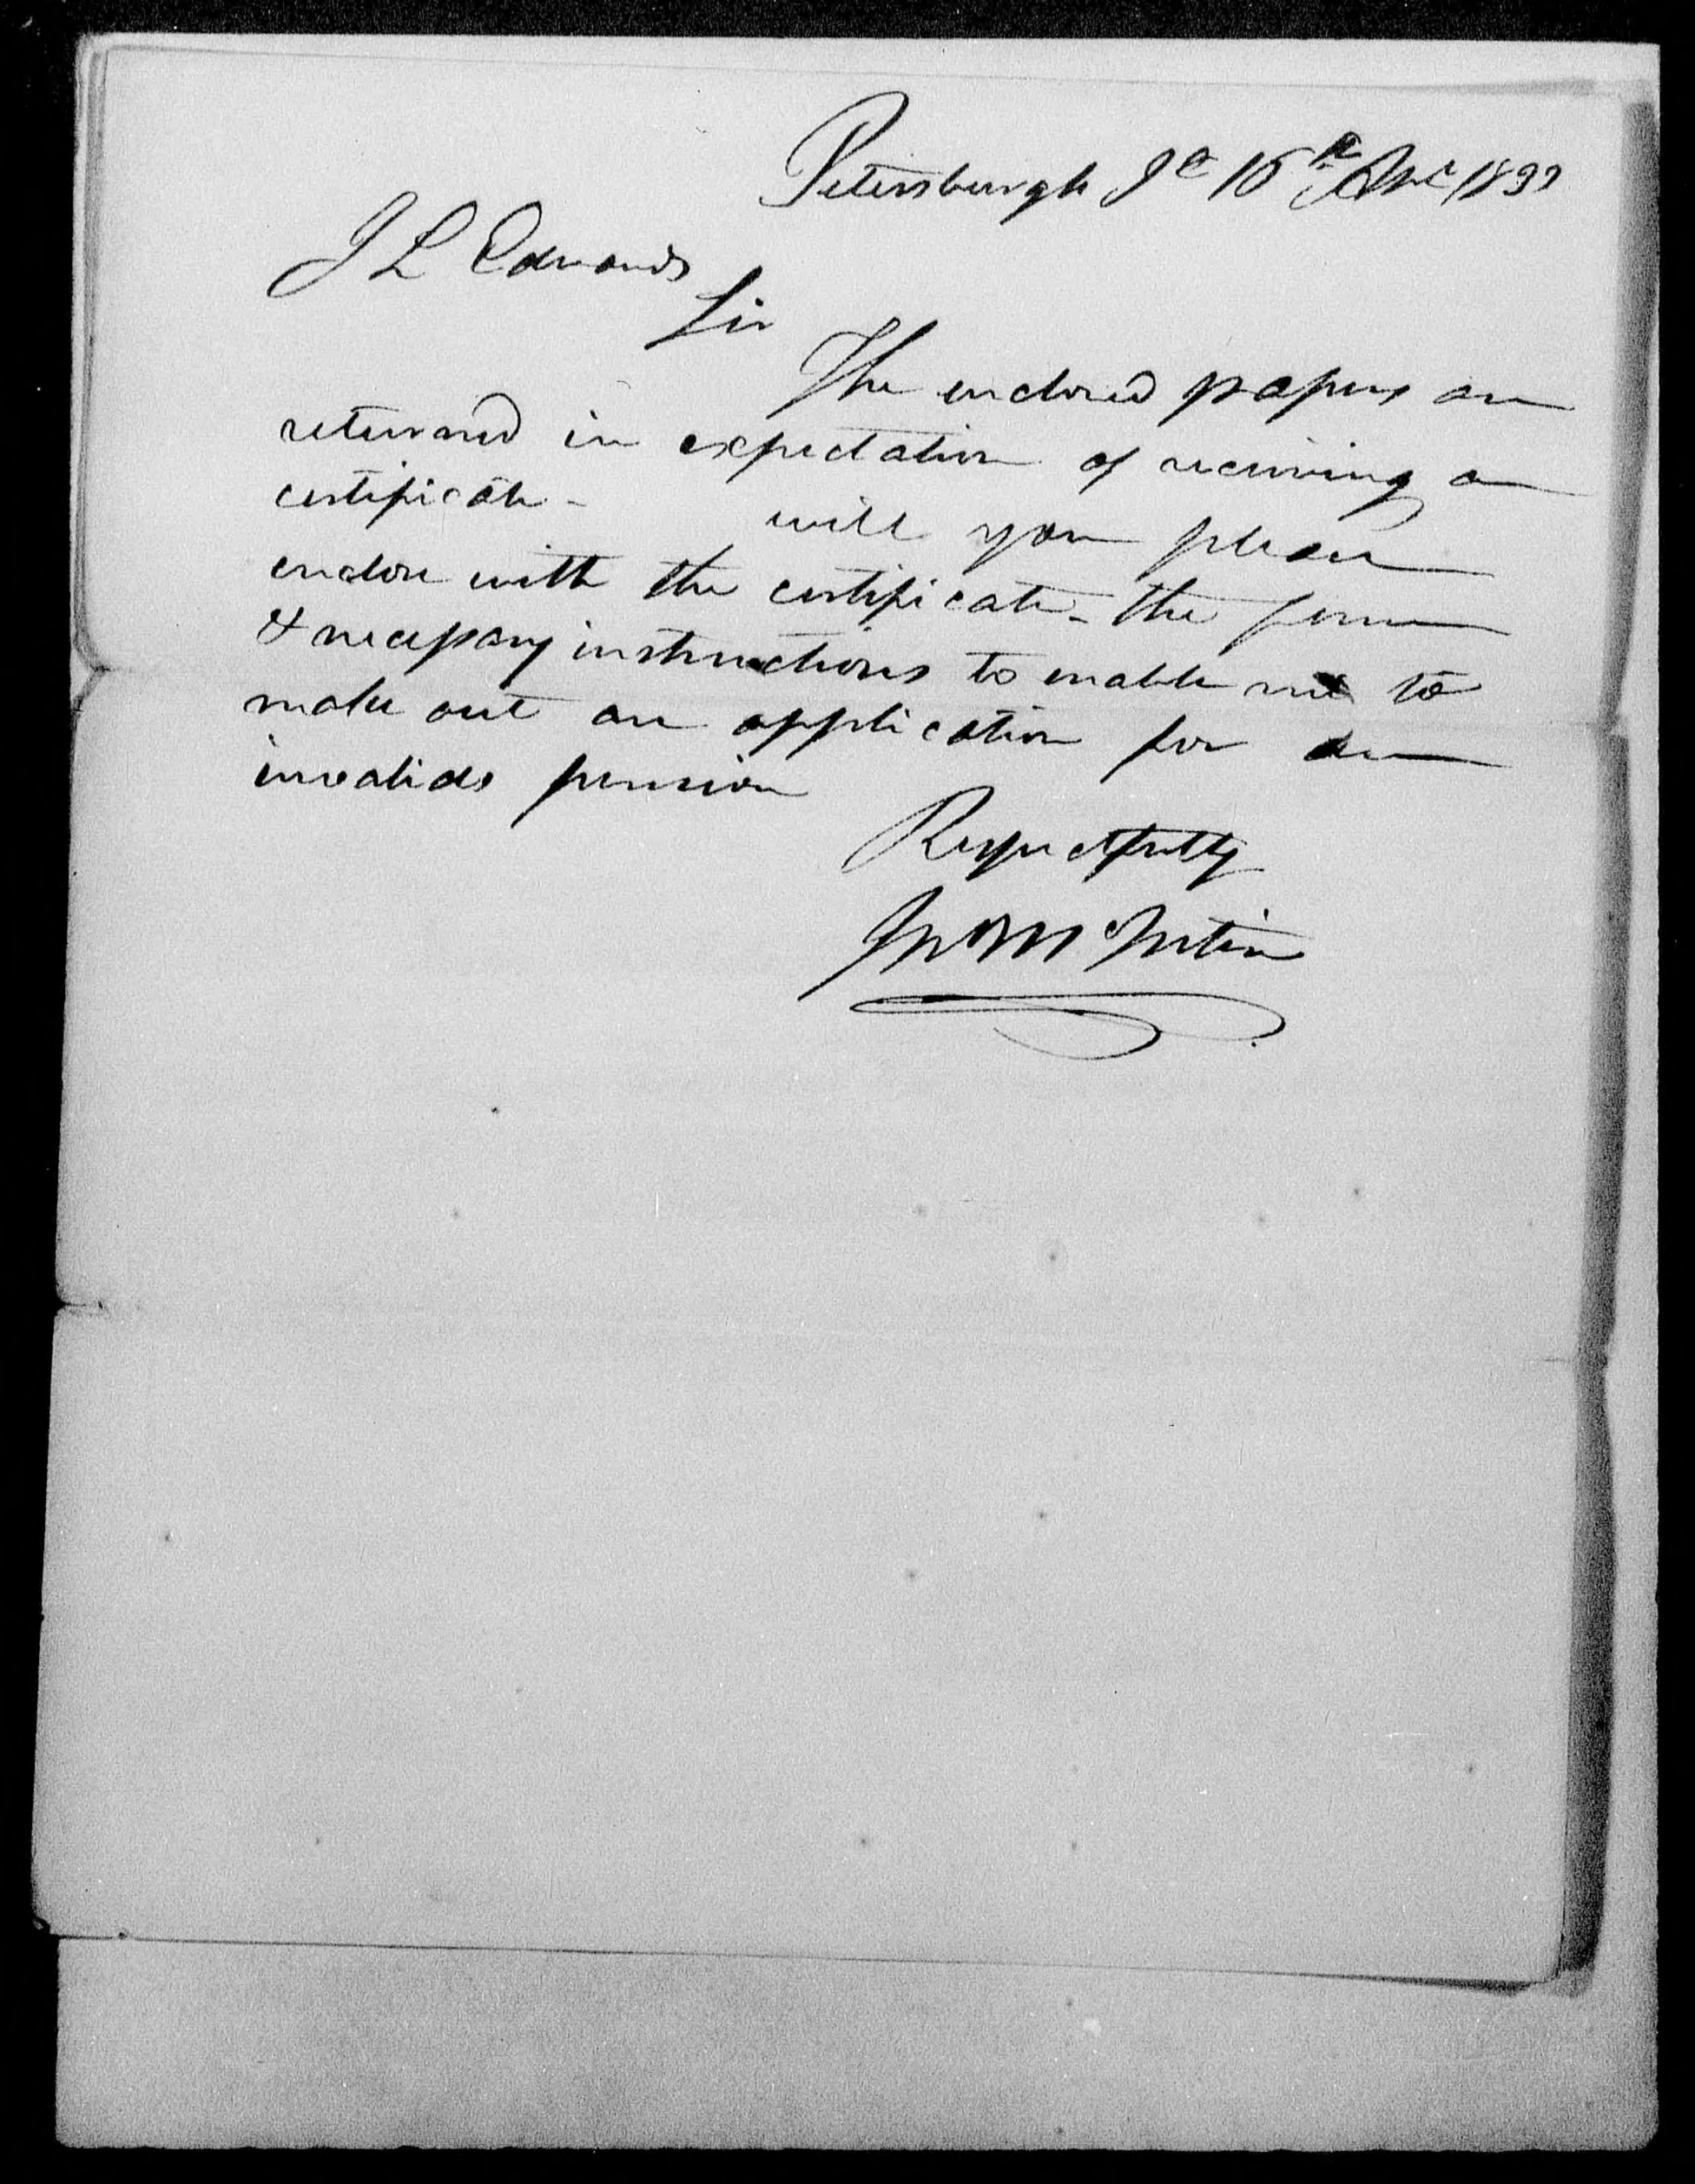Petersburgh Je 16 Ast 1832
J L Edwards
Sir
The enclosed papers are returned in expectation of receiving a certificate. Will you please enclose with the certificate the form and accompanying instructions to enable me to make out an application for an invalids pension
Respectfully Jno McIntire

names: Jno Mc Intire, J L Edwards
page: 29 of 49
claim: widow's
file: W. 2518, James Brenton, Va.